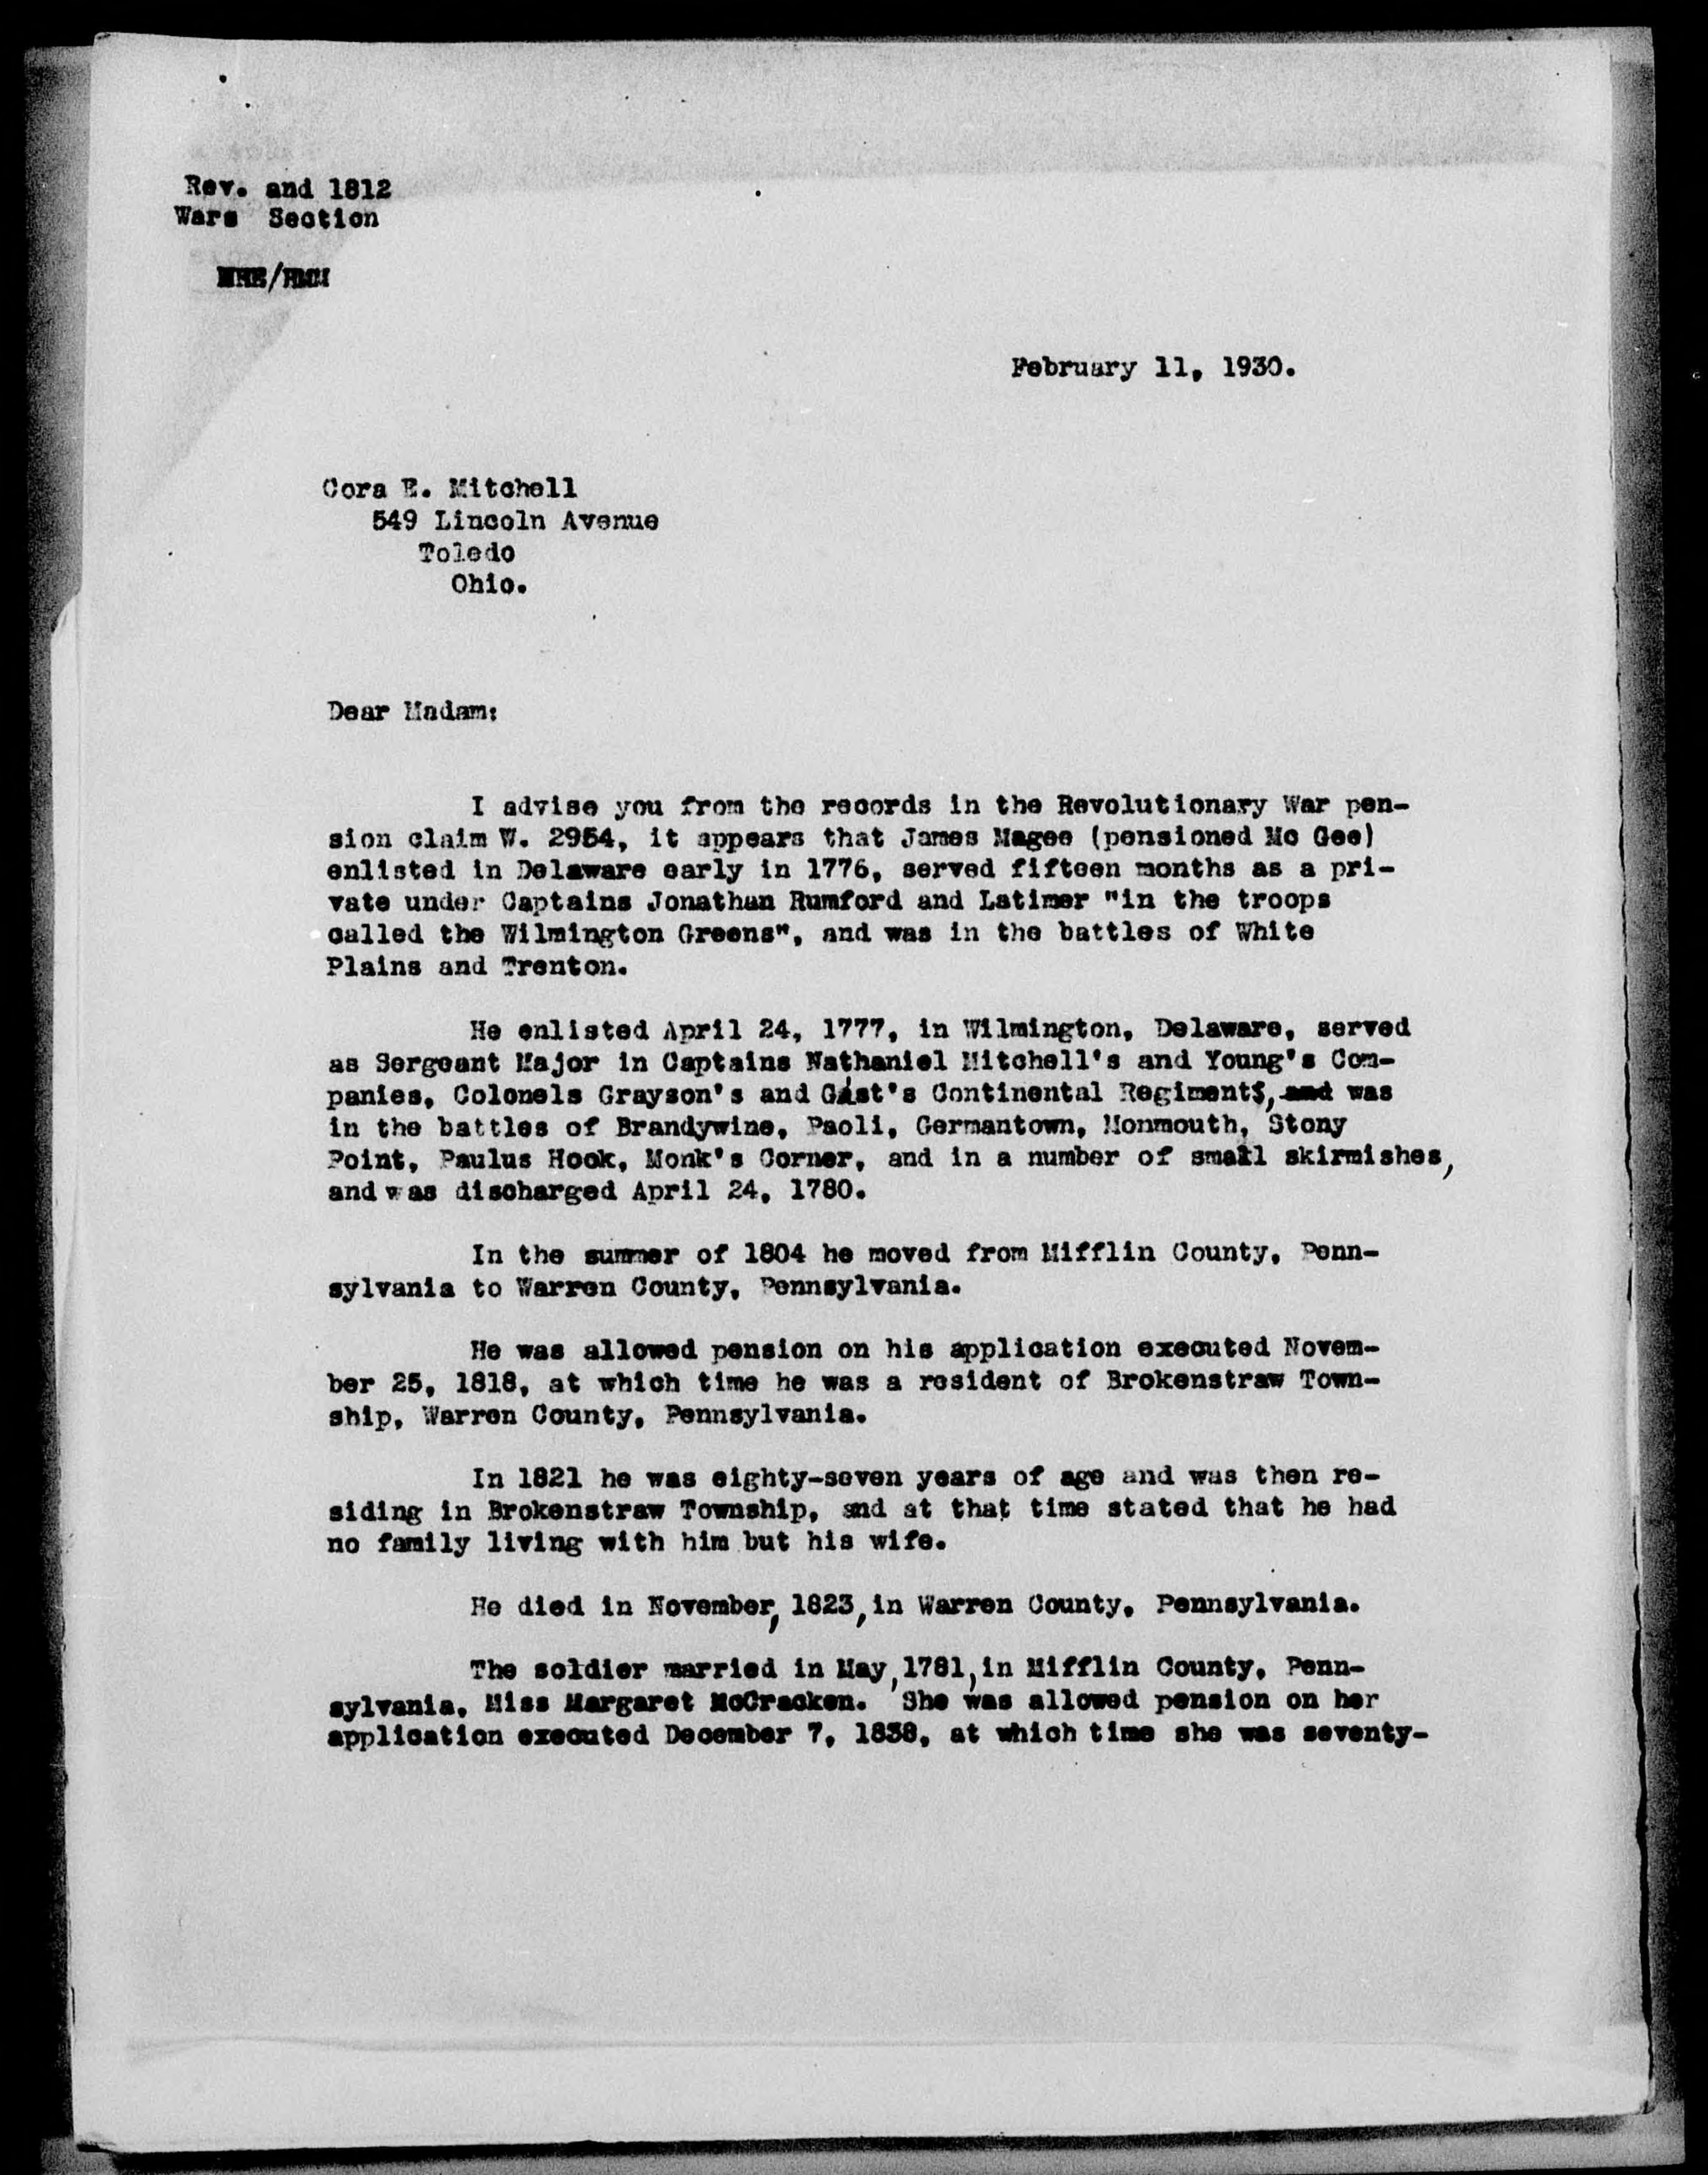Rev. and 1812
Wars Section
MHE/HMM
February 11, 1930.
Cora E. Mitchell
549 Lincoln Avenue
Toledo
Ohio.

Dear Madam:
I advise you from the records in the Revolutionary War pension claim W. 2954, it appears that James Magee (pensioned Mc Gee) enlisted in Delaware early in 1776, served fifteen months as a private under Captains Jonathan Rumford and Latimer "in the troops called the Wilmington Greens", and was in the battles of White Plains and Trenton.

He enlisted April 24, 1777, in Wilmington, Delaware, served as Sergeant Major in Captains Nathaniel Mitchell's and Young's Companies, Colonels Grayson's and Gast's Continental Regiments, and was in the battles of Brandywine, Paoli, Germantown, Monmouth, Stony Point, Paulus Hook, Monk's Corner and in a number of small skirmishes, and was discharged April 24, 1780.

In the summer of 1804 he moved from Mifflin County, Pennsylvania to Warren County, Pennsylvania.

He was allowed pension on his application executed November 25, 1818, at which time he was a resident of Brokenstraw Township, Warren County, Pennsylvania.

In 1821, he was eighty-seven years of age and was then residing in Brokenstraw Township, and at that time stated that he had no family living with him but his wife.

He died in November, 1823, in Warren County, Pennsylvania.

The soldier married in May, 1781, in Mifflin County, Pennsylvania, Miss Margaret McCracken. She was allowed pension on her application executed December 7, 1838, at which time she was seventy-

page: 16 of 77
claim: widow's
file: W 2954, for James Mc Gee, Delaware